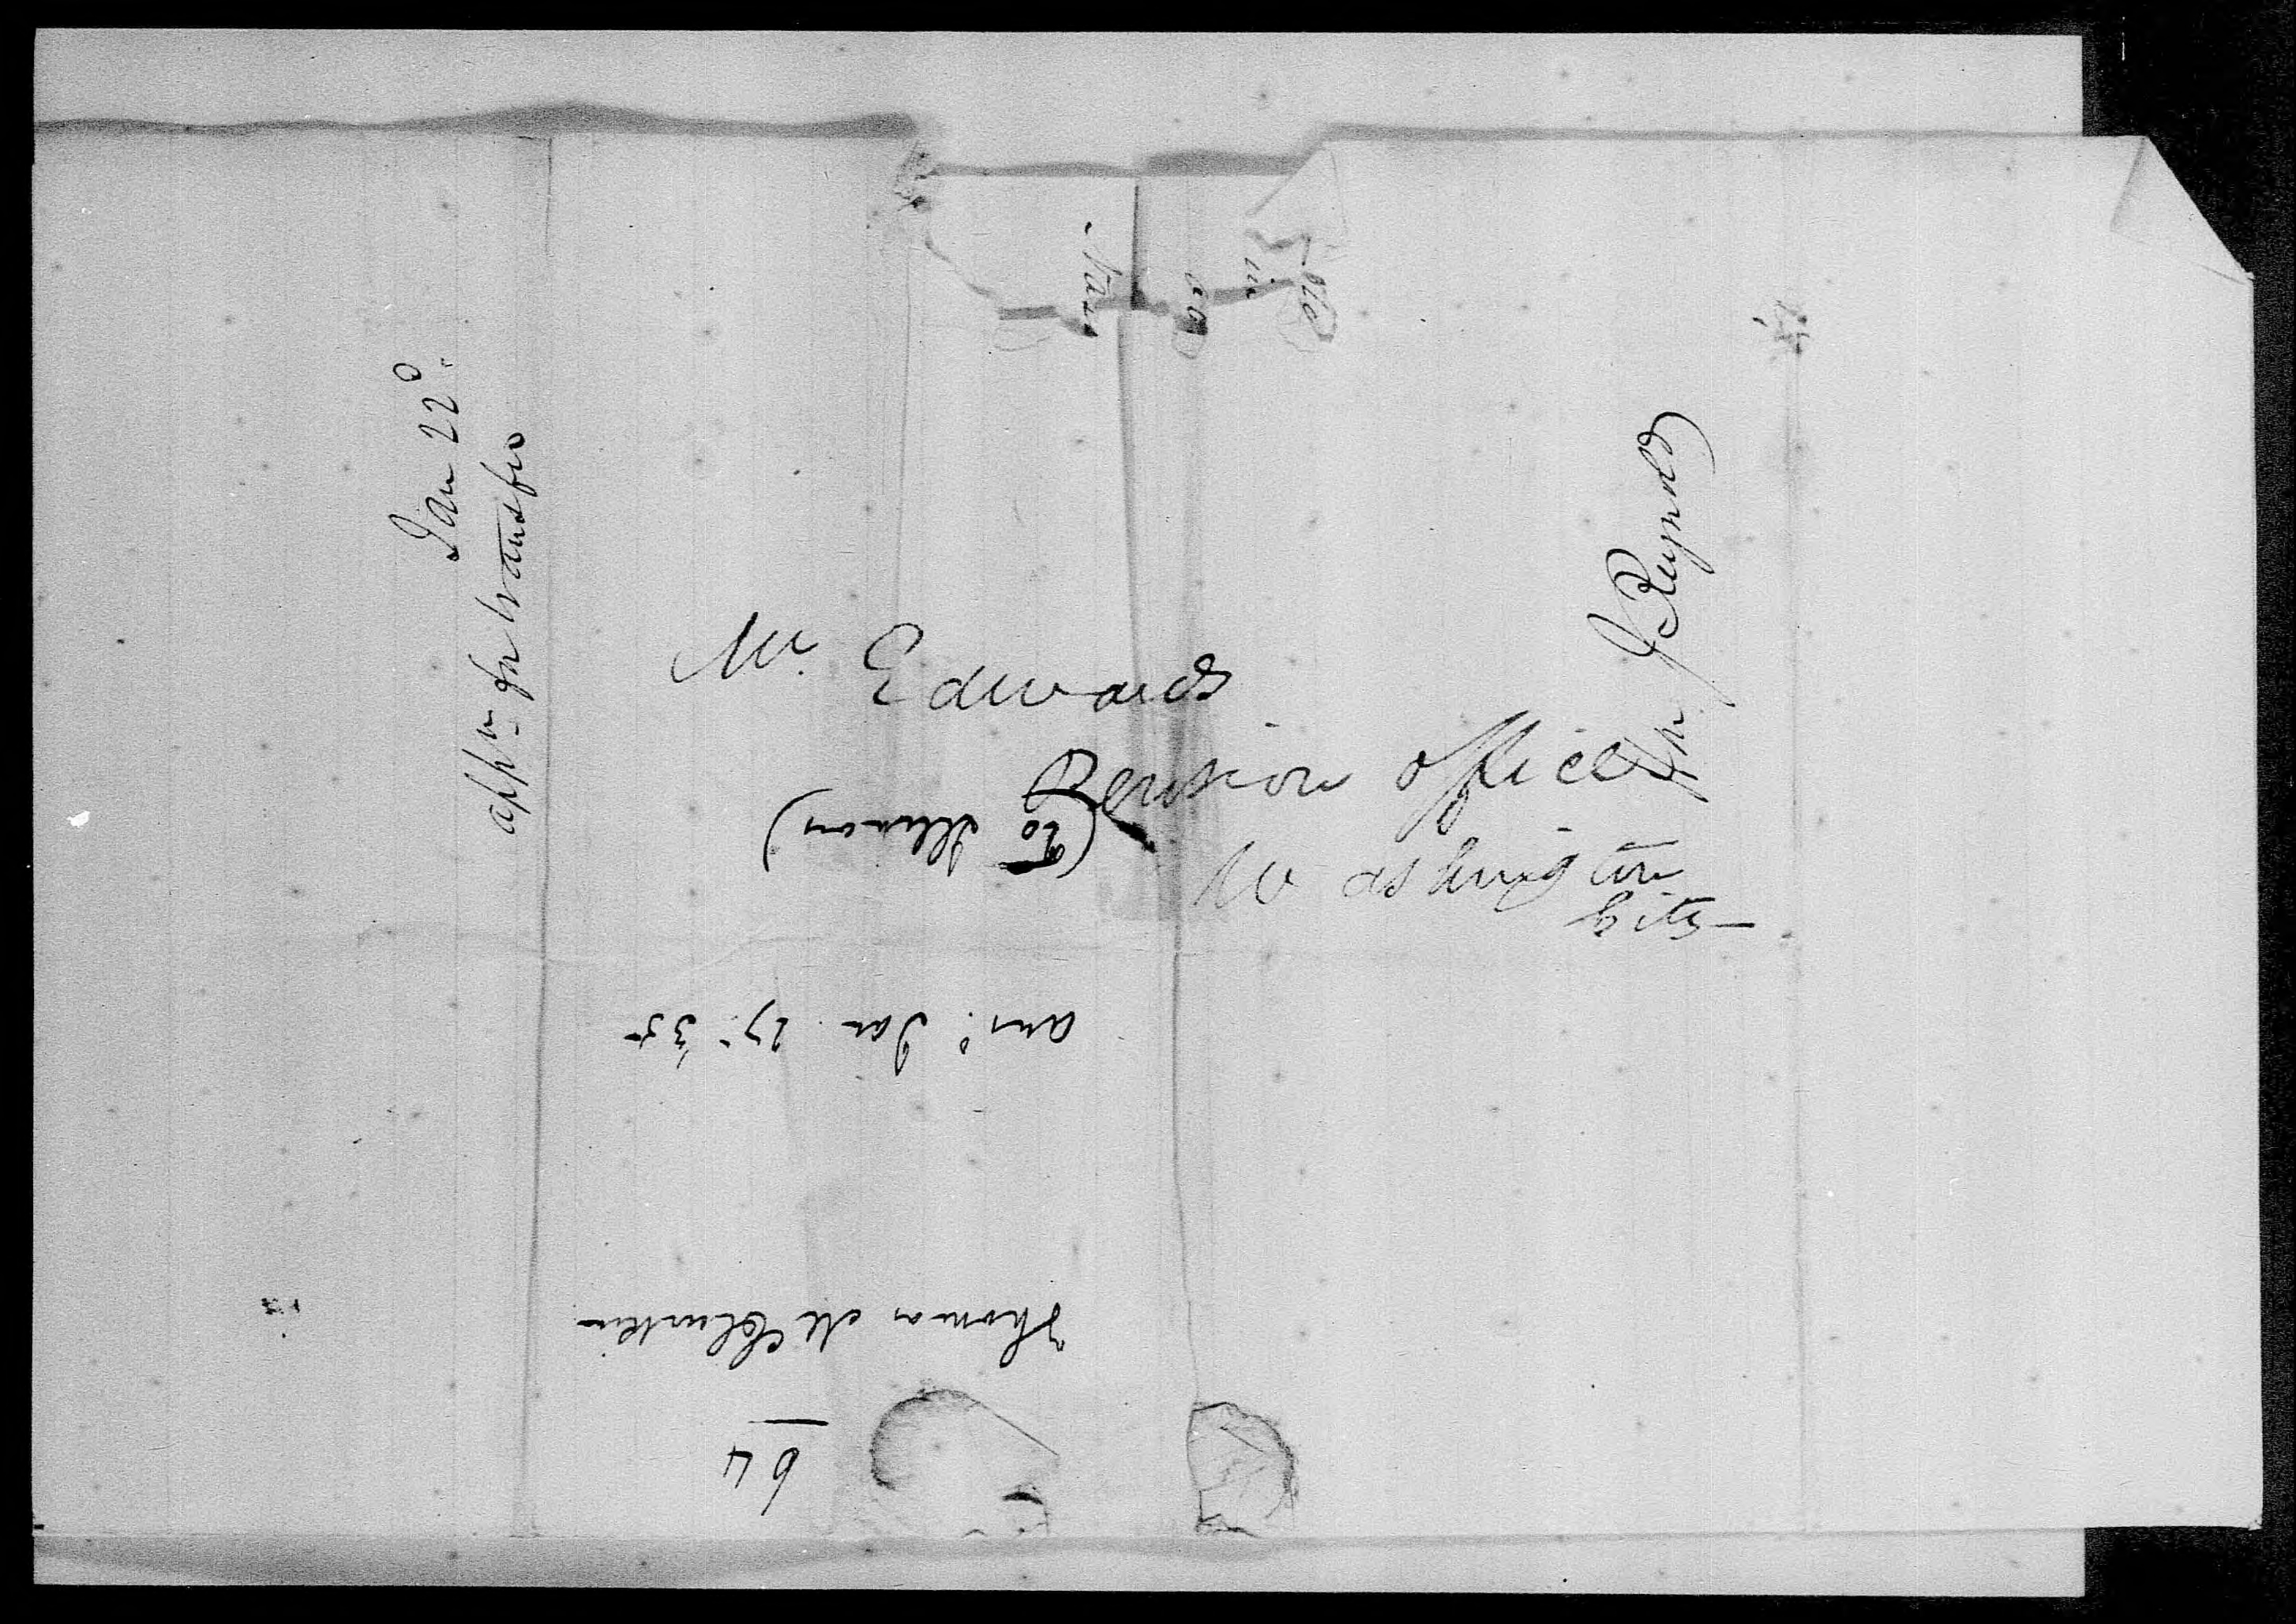Jan 22
approved for transfer

Mr. Edwards
Pension Office
Washington
City

Hon. J. Reynolds

ans. Jan. 27 '35
To Illinois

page: 67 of 93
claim: widow's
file: W. 21792, for Thomas Mc Clurken, South Carolina